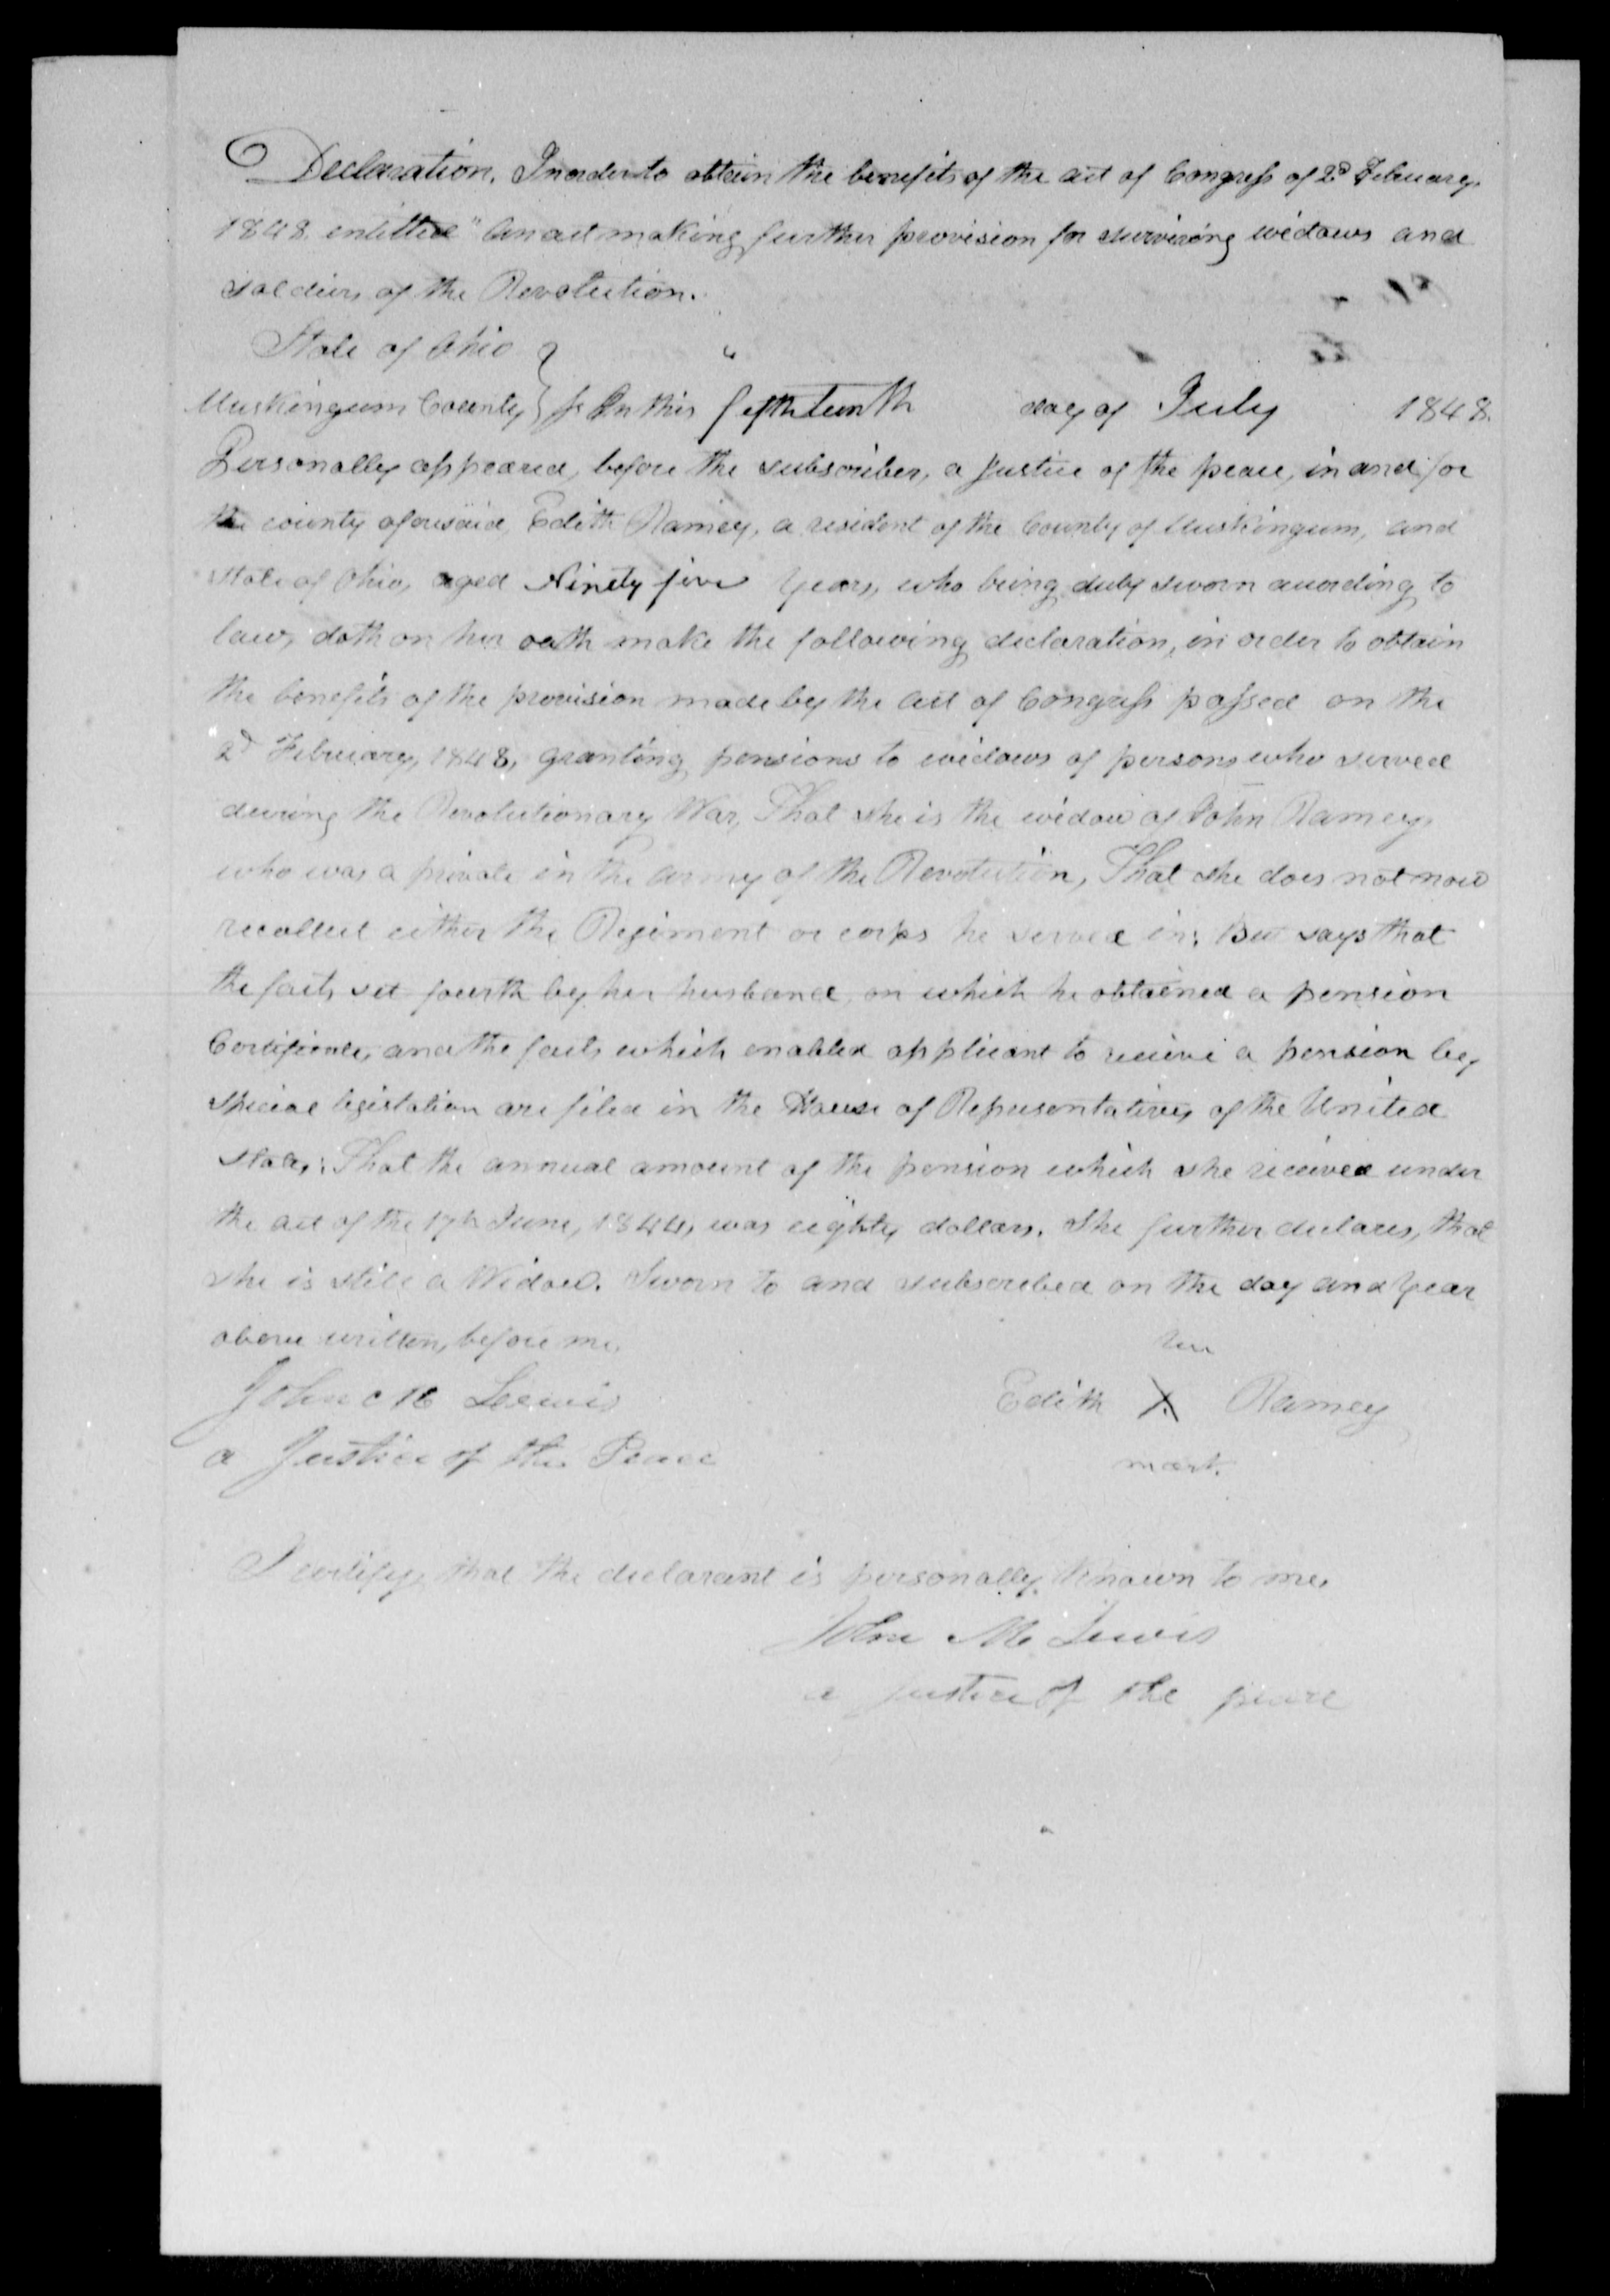Declaration, In order to obtain the benefits of the Act of Congress of 2d February 1848, entitled "An act making further provisions for surviving widows and soldiers of the Revolution.
State of Ohio
Muskingum County SS On this fifteenth day of July 1848, Personally appeared before the subscriber, a Justice of the Peace, in and for the county aforesaid Edith Ramey, a resident of the County of Muskingum, and state of Ohio, aged Ninety-five years, who being duly sworn according to law, doth on her oath make the following declaration, in order to obtain the benefits of the provision made by the Act of Congress passed on the 2d February, 1848, granting pensions to widows of persons who served during the Revolutionary War, That she is the widow of John Ramey, who was a private in the Army of the Revolution, That she does not now recollect either the Regiment or corps he served in; But says that the facts, set fourth by her husband on which he obtained a pension Certificate, and the facts which enabled applicant to receive a pension by Special legislation are filed in the House of Representatives of the United States, That the annual amount of the pension which she received under the act of the 17th June, 1844, was eighty dollars, She further declares, that she is still a Widow, Sworn to and subscribed on the day and year above written before me,
John M Lewis Edith Ramey x her mark
a Justice of the Peace
I certify, that the declarant is personally known to me.
John M. Lewis
a Justice of the Peace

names: Edith Ramey; John M Lewis; John M Lewis; Edith Ramey; John Ramey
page: 83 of 84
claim: widow's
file: W.11104, for John Remay, Virginia